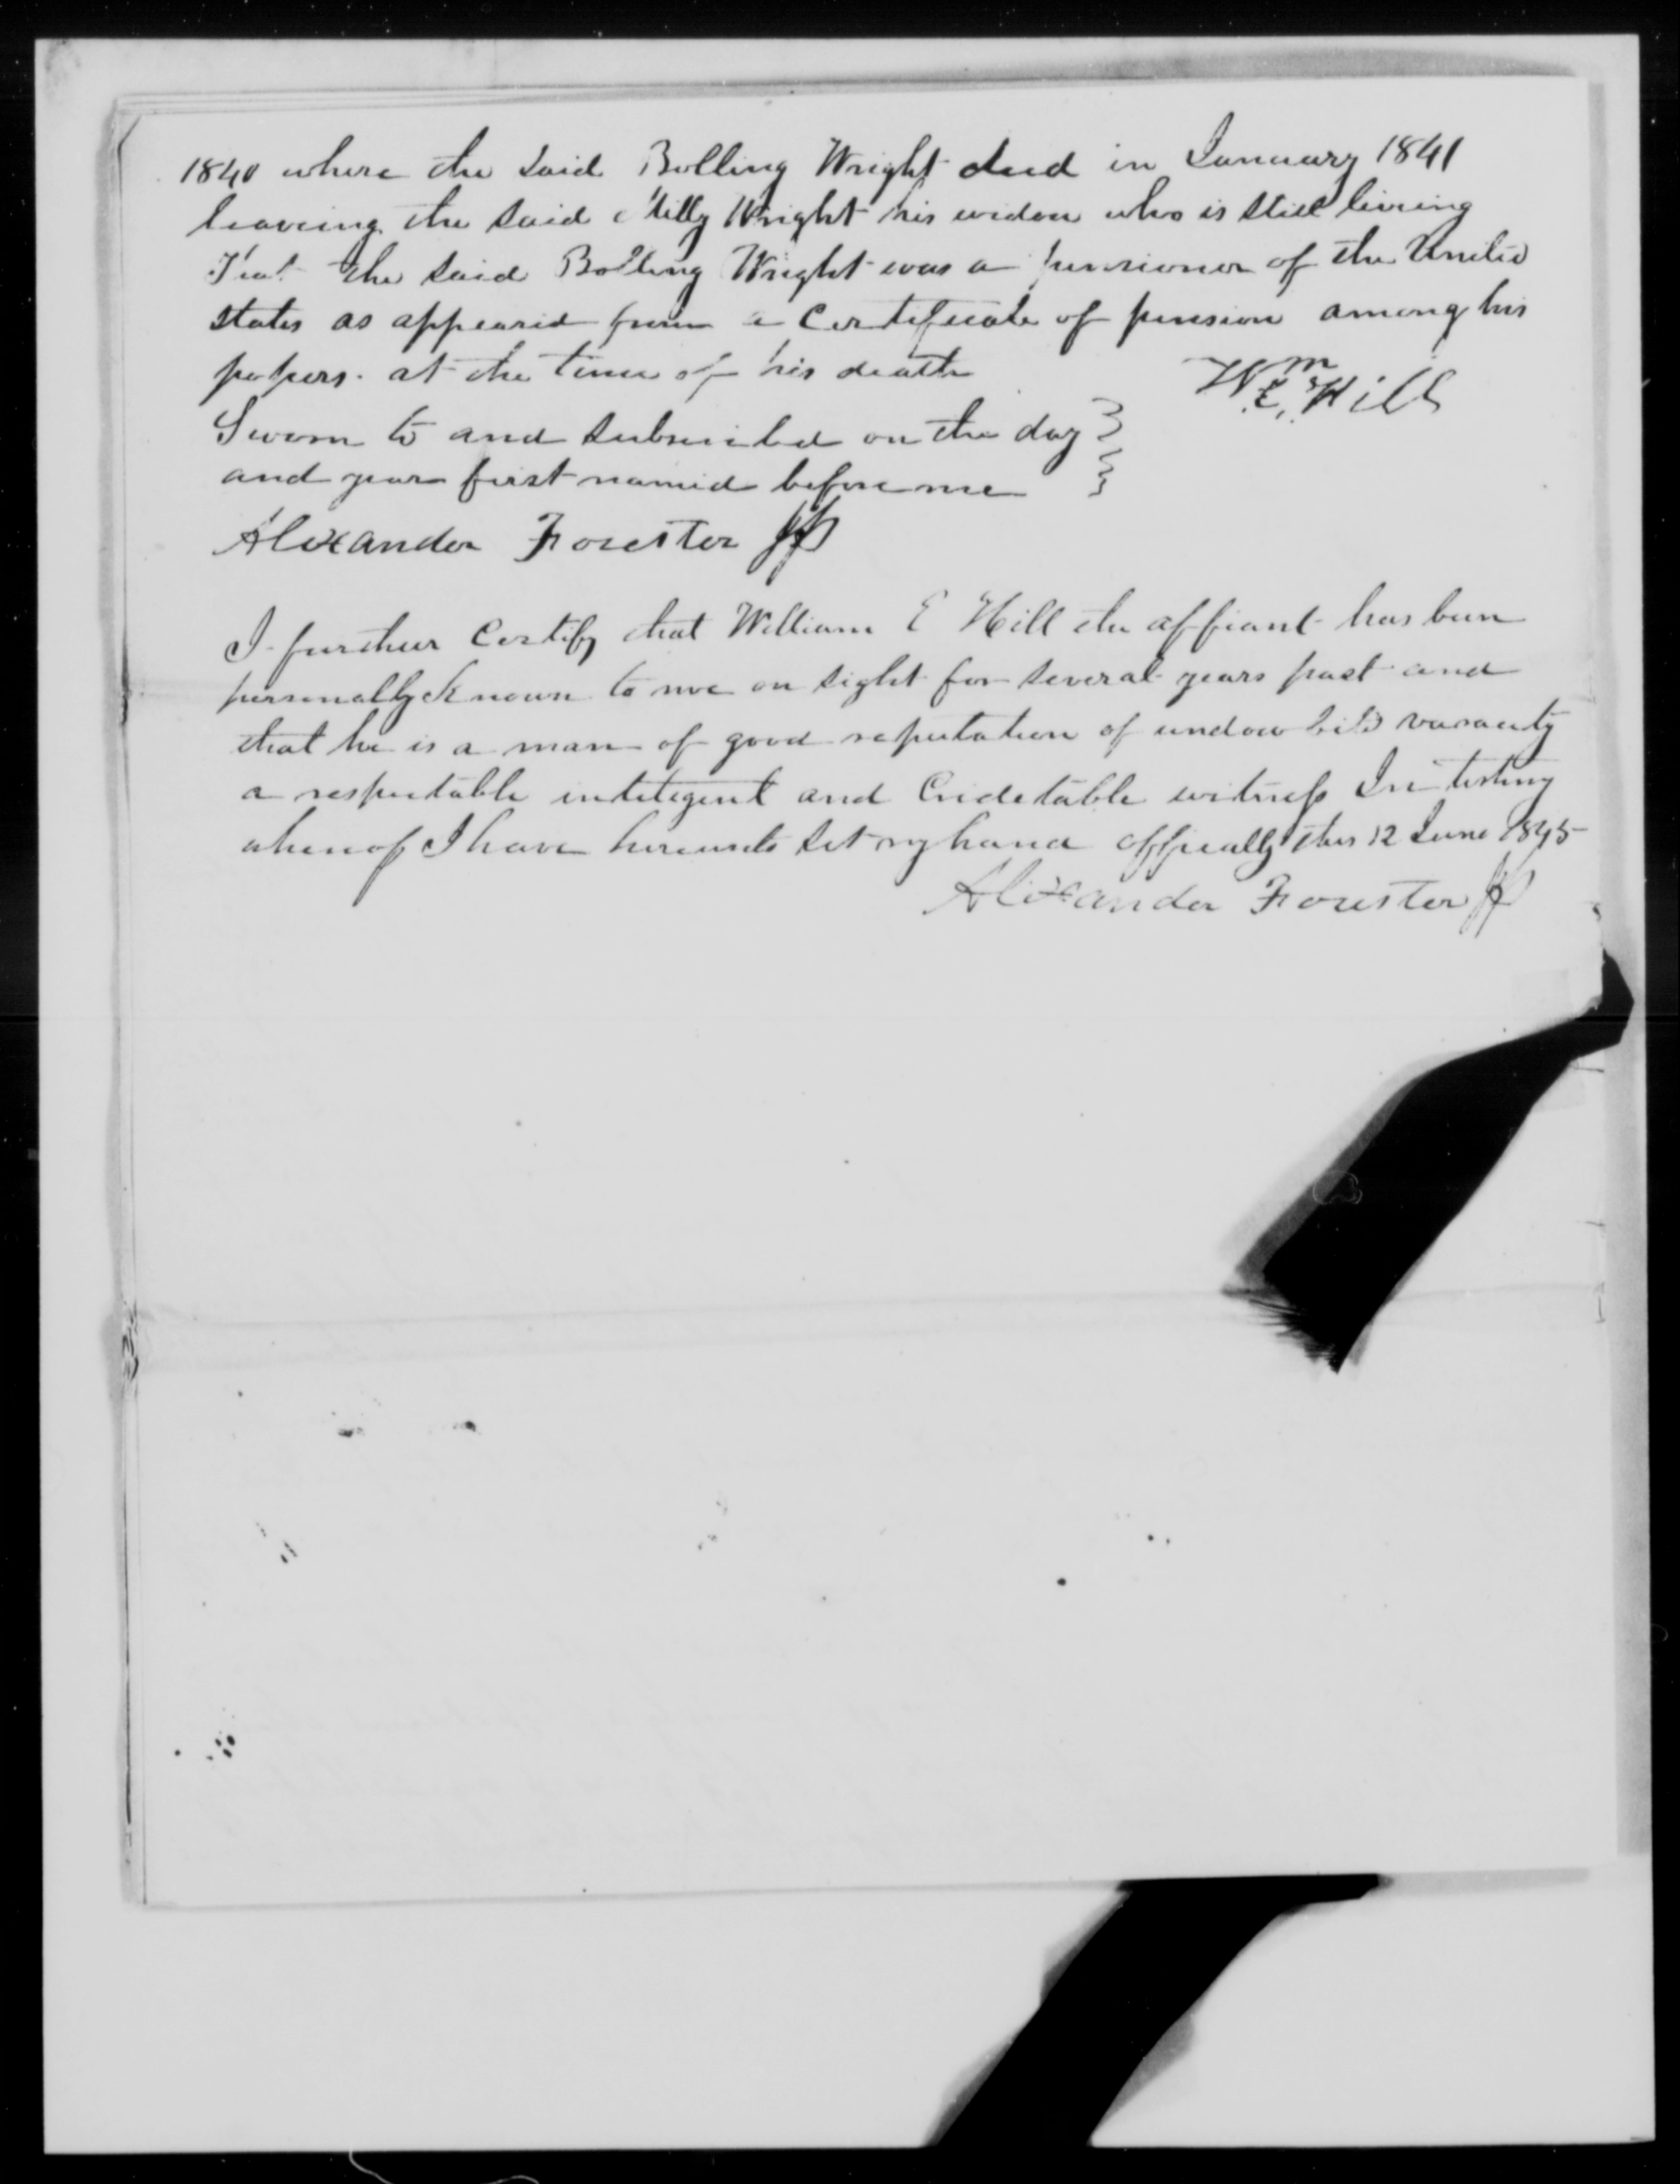1840 where the said Bolling Wright died in January 1841 leaving the said Milly Wright his widow who is still living 
That the said Bolling Wright was a pensioner of the United States as appeared from a certificate of pension among his papers at the time of his death
Sworn to and subscribed on the day  and year first named before me 
Alexander Forester
W. E. Hill

I further certify that William E Hill the affiant has been personally known to me on sight for several years past and that he is a man of good reputation of undoubted veracity a respectable intelligent  and creditable witness in testing whereof I have hereunto set my hand officially this 12 June 1845
Alexander Forester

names: Milly Wright, William E Hill, Bolling Wright, Alexander Forester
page: 77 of 81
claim: widow's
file: W. 5183, Bolling Wright, Va.